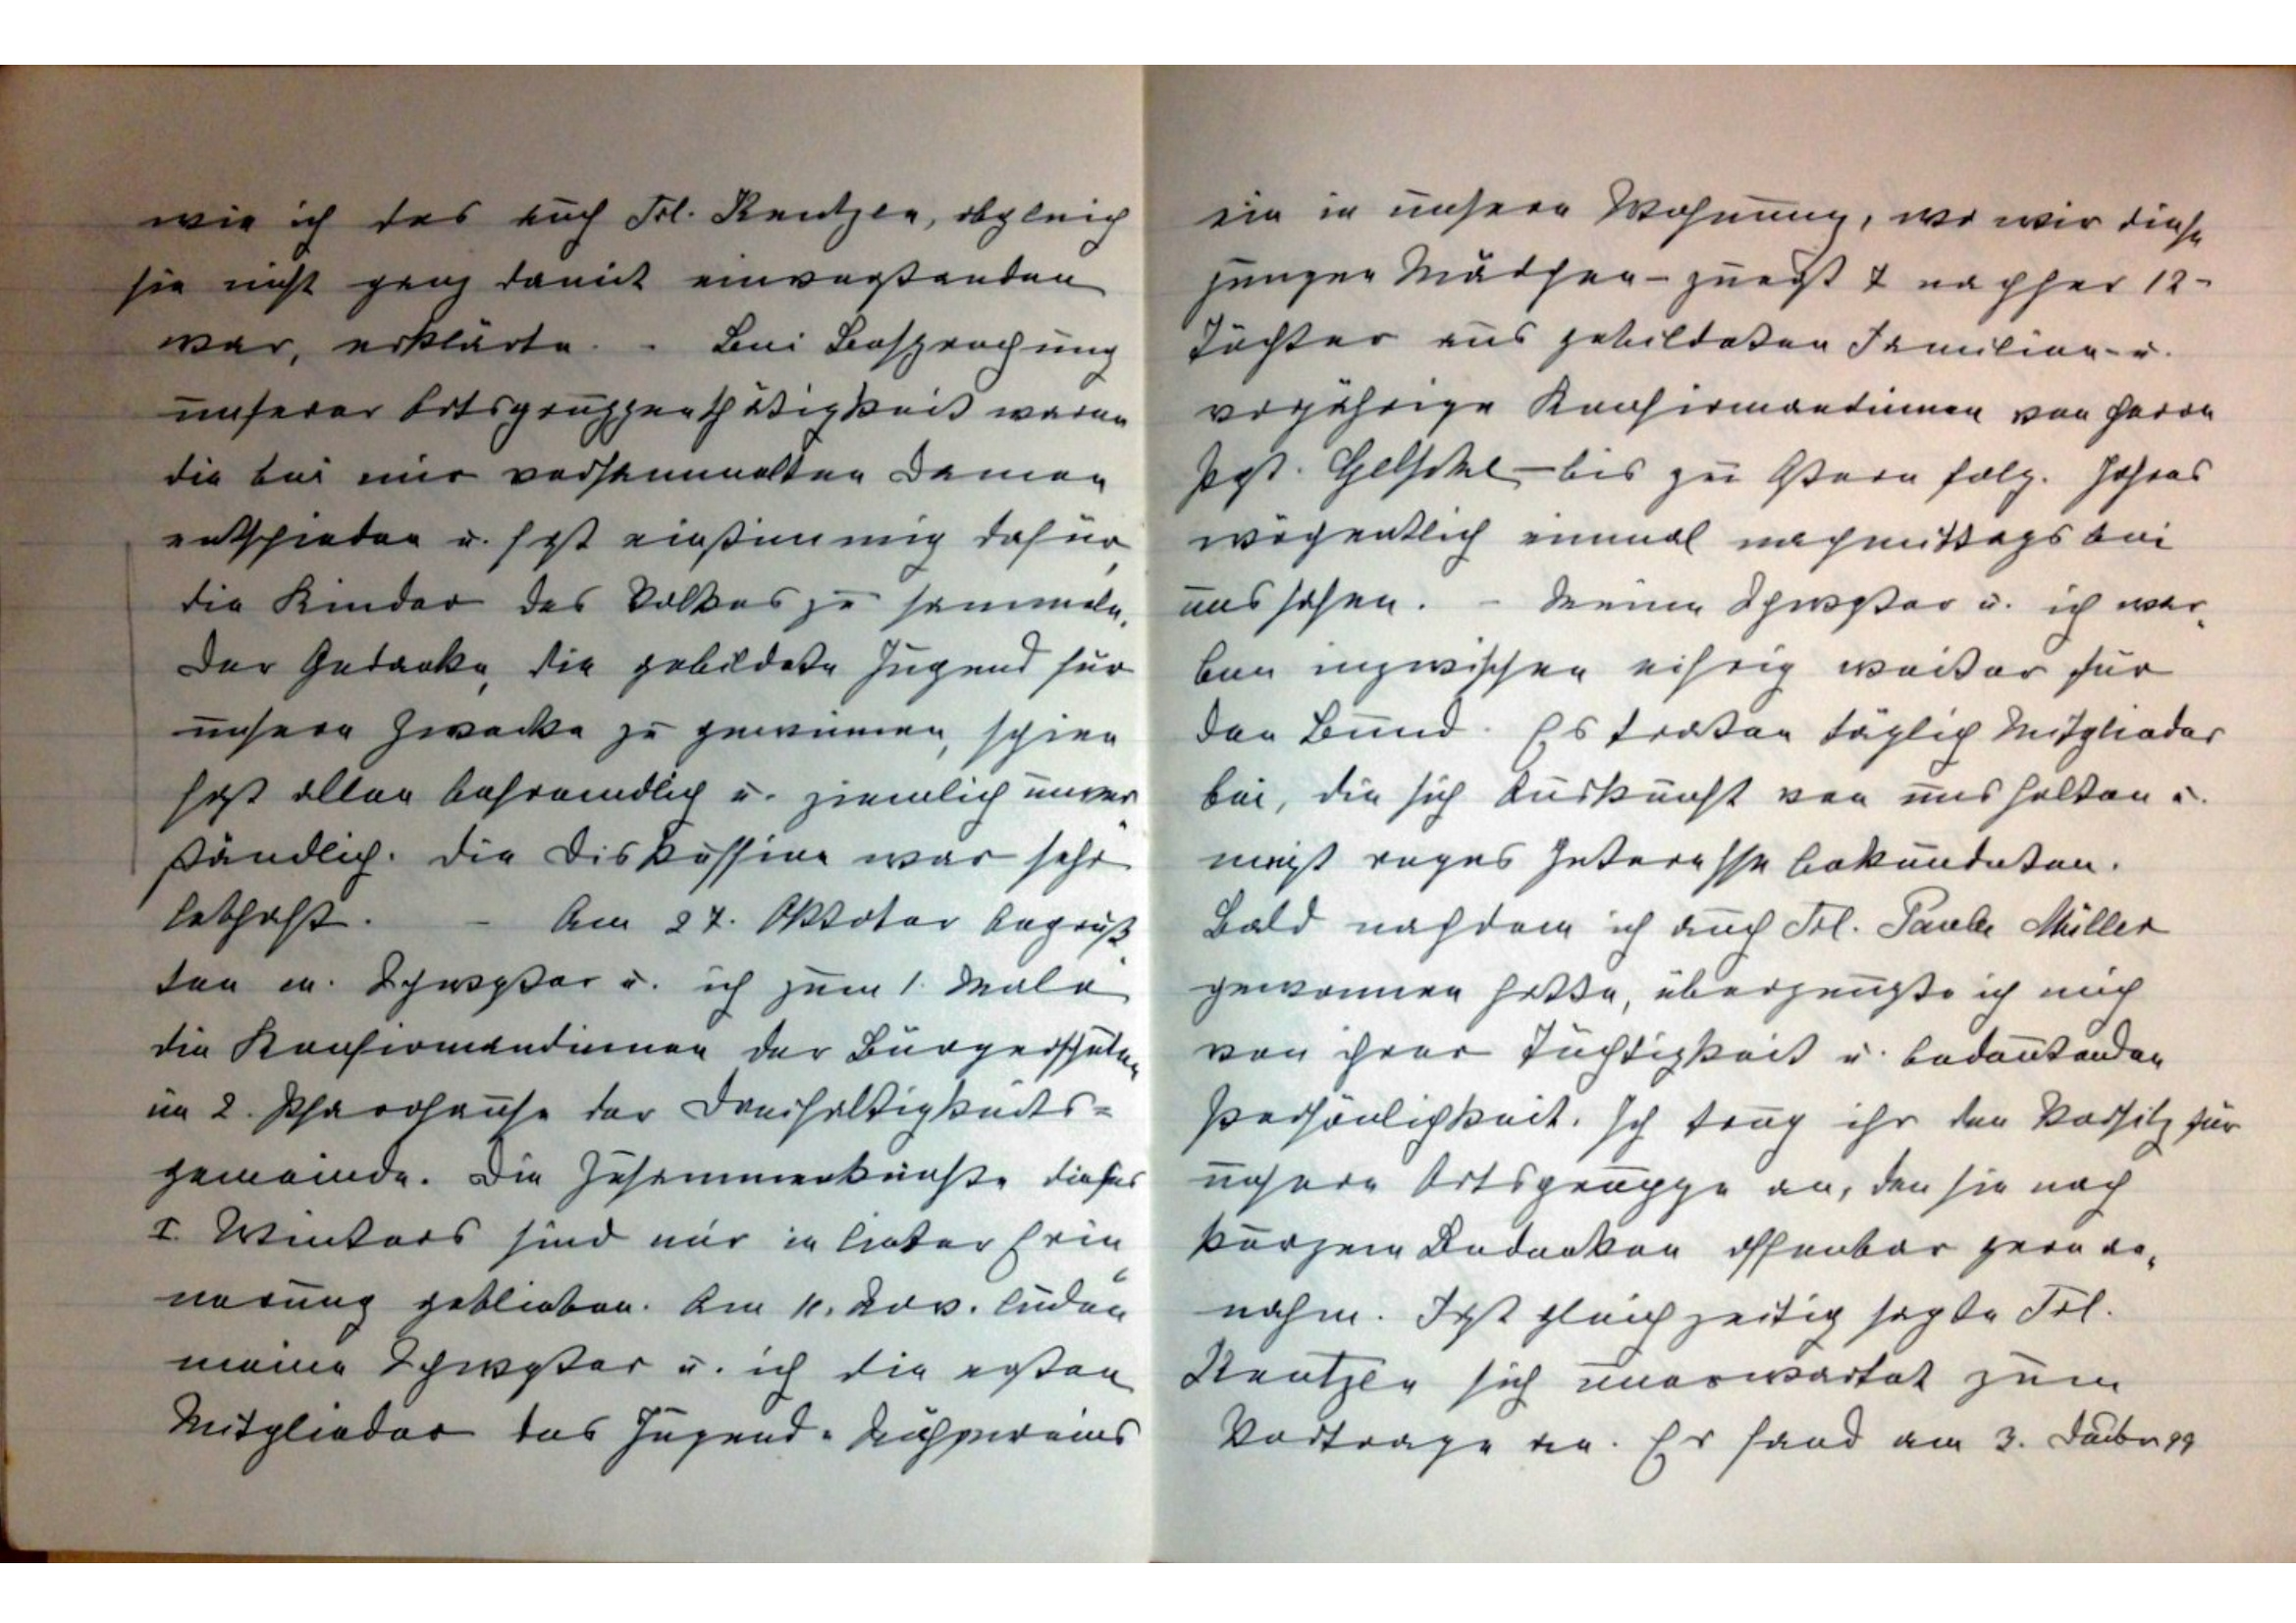wie ich das auch Frl. Knutzen, obgleich
obgleich sie nicht ganz damit einverstanden
war, erklärte.
Bei Besprechung
unserer Ortsgruppenthätigkeit waren
die bei mir versammelten Damen
entschieden u. fast einstimmig dafür
die Kinder des Volkes zu sammeln.
Der Gedanke die gebildete Jugend für
unsere Zwecke zu gewinnen, schien
fast allen befremdlich u. ziemlich unver
ständlich. Die Diskussion war sehr
lebhaft
Am 27. Oktober begrüß
ten m. Schwester u. ich zum I. Male
die Konfirmandinnen der Bürgerschulen
Bürgerschulen im 2. Pfarrhaus der Dreifaltigkeits-
gemeinde. Die Zusammenkünfte dieses
I. Winters sind mir in bester Erin
nerung geblieben. Am 11. Nov. luden
meine Schwester u. ich die ersten
Mitglieder des Jugend-Nähvereins
ein in unsere Wohnung, wo wir diese
jungen Mädchen – zuerst 7 nachher 12 –
Töchter aus gebildeten Familien u.
u. vorjährige Konfirmandinnen von Herrn
Pf. Gelsche - bis zu Ostern folg. Jahres
wöchentlich einmal nachmittags bei
uns sahen. – Meine Schwester u. ich war
ben inzwischen eifrig weiter für
den Bund. Es traten täglich neue Mitglieder
bei, die sich Auskunft von uns holten u.
meist reges Interesse bekundeten.
Bald nachdem ich auch Frl. Paula Müller
geworben hatte, überzeugte ich mich
von ihrer Tüchtigkeit u. bedeutenden
Persönlichkeit. Ich trug ihr den Vorsitz für
unsere Ortsgruppe an, den sie nach
kurzem Bedenken offenbar gern an
nahm. Fast gleichzeitig sagte Frl.
Knutzen sich unerwartet zum
Vortrage an. Er fand am 3. Debr. 99